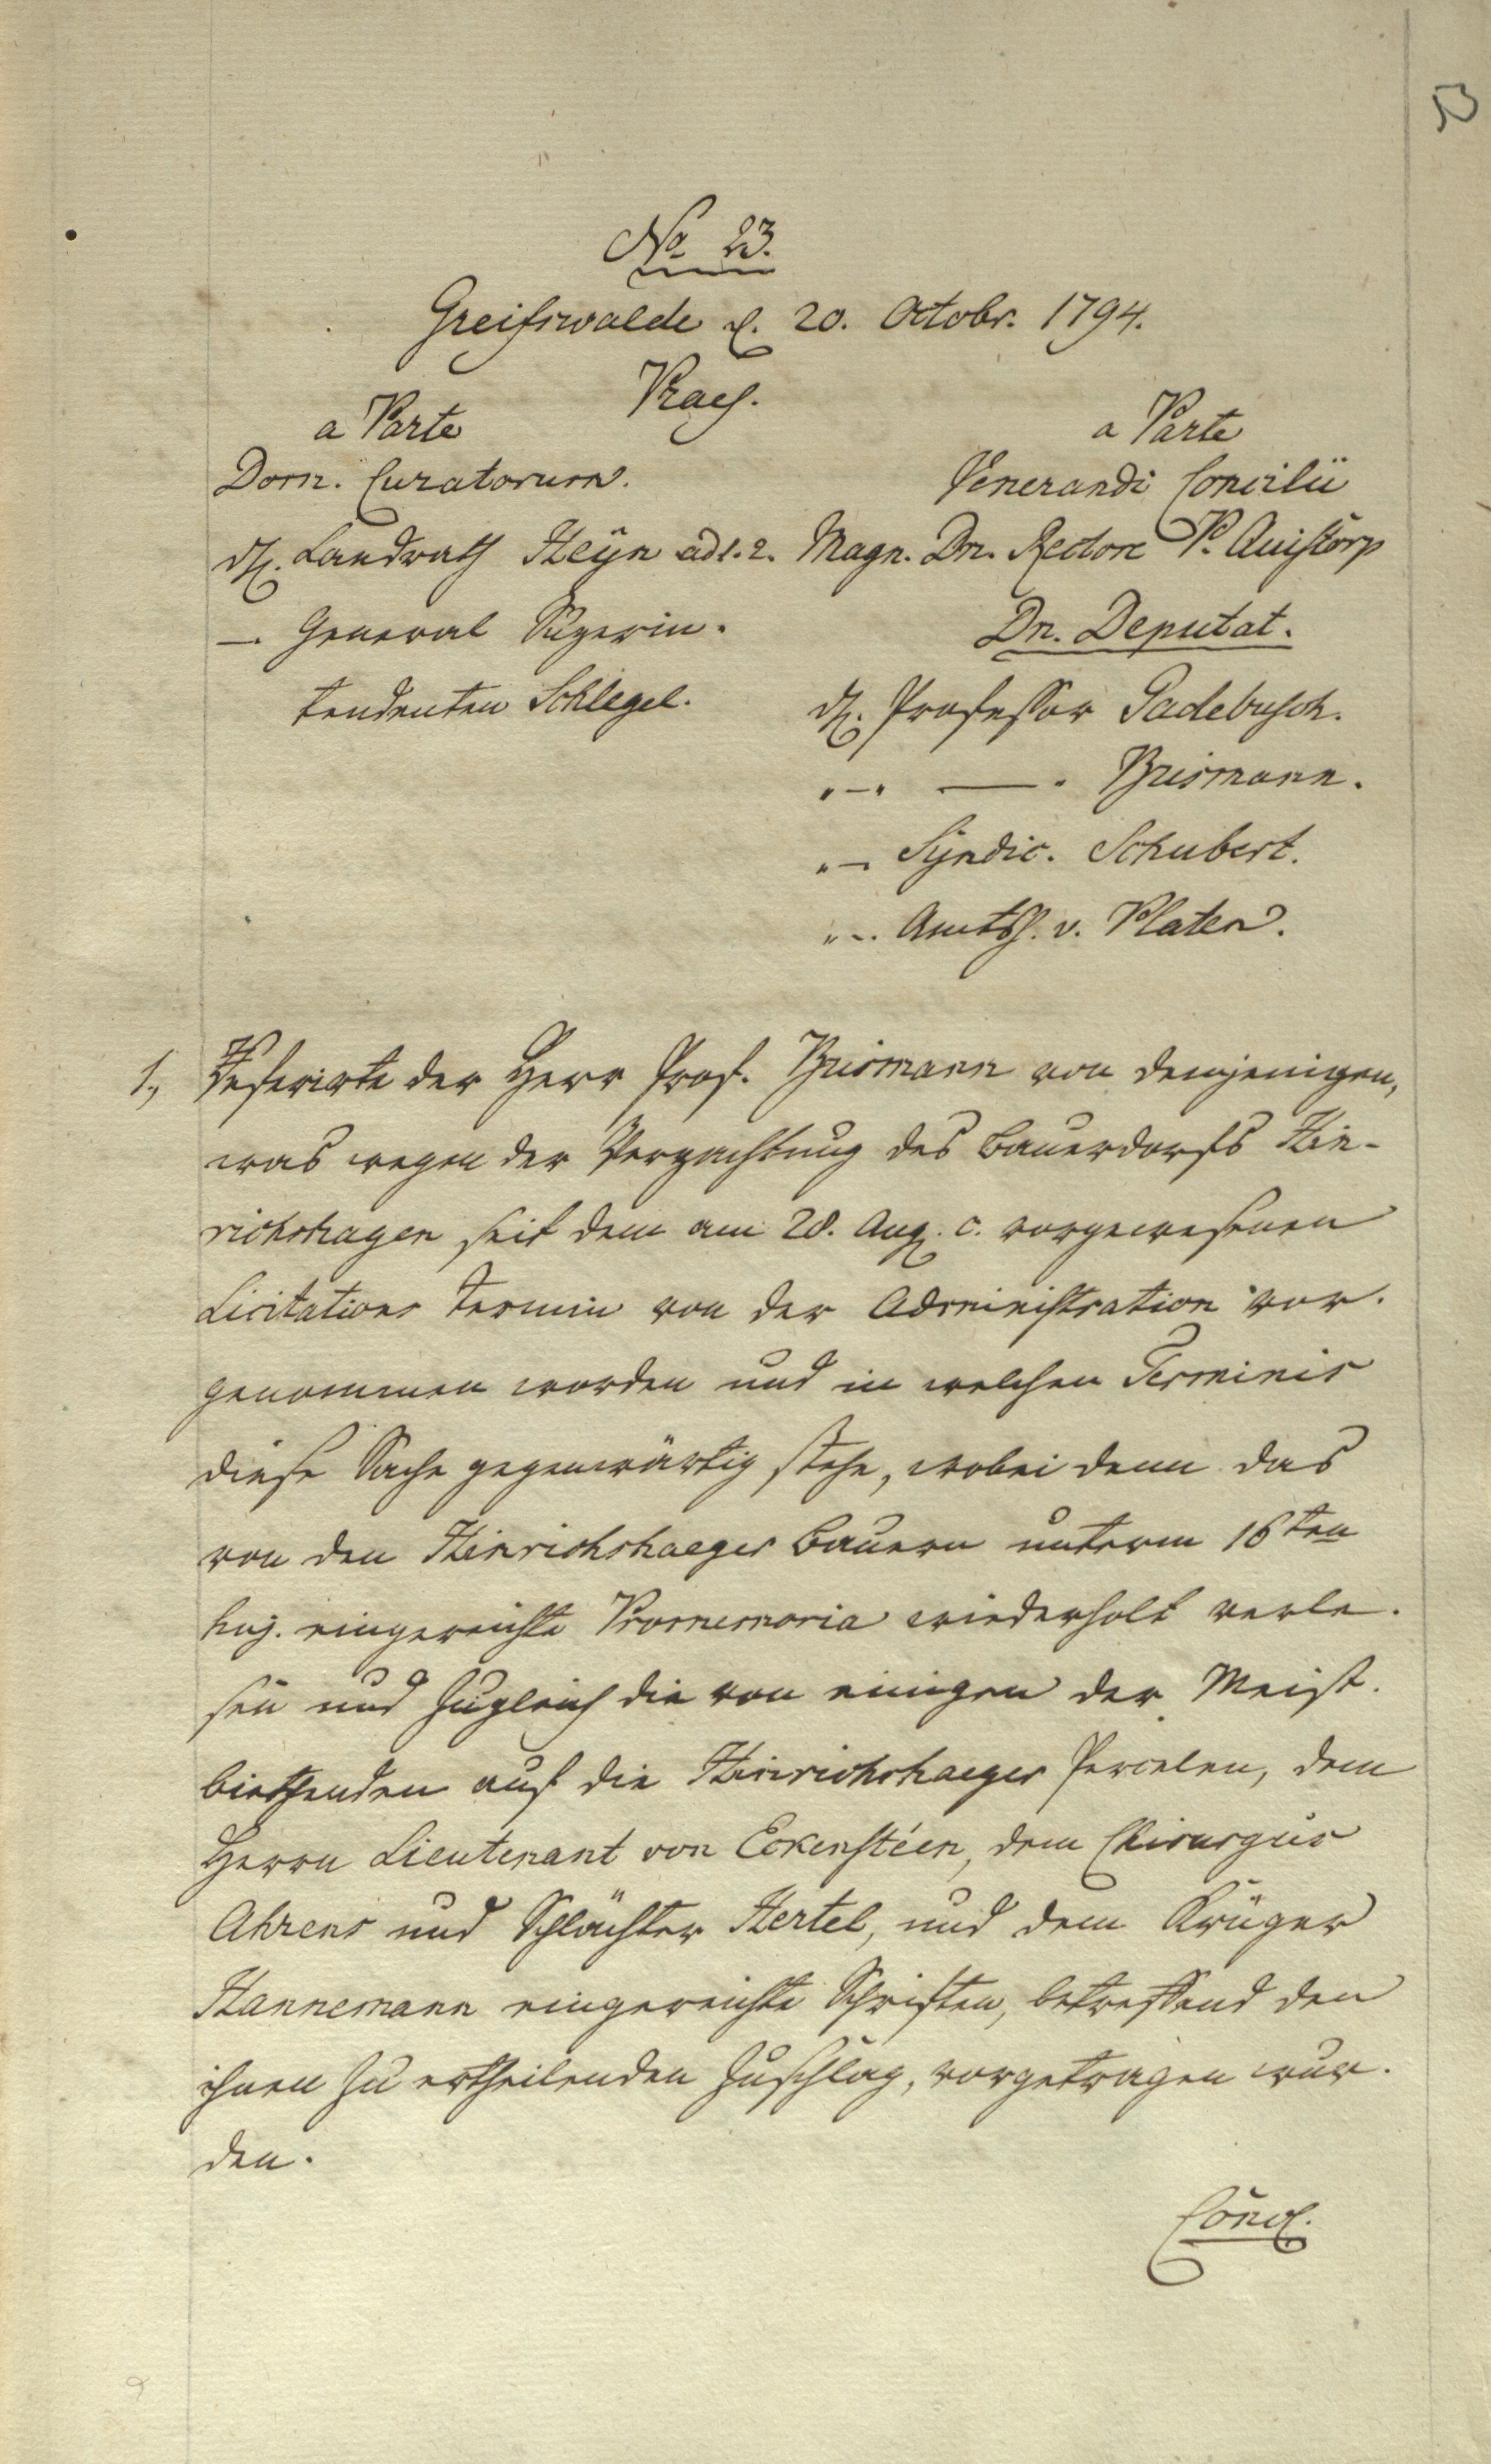No 23.
Greifswalde d. 20. Octobr. 1794.
Praes.
a Parte a Parte
Dom. Curatorum. Venerandi Concilii
dh. Landrath Heÿn ad 1. 2. Magn. Dn. Rectore P. Quistorp
General Superint¬
Dn. Deputat.
tendenten Schlegel.
dh. Professor Gadebusch.
Brismann.
Sÿndic. Schubert.
Amtsh. v. Platen.
1., Referirte der Herr Prof. Brismann von demjenigen,
was wegen der Verpachtung des Bauerdorfs Hin¬
richshagen seit dem am 28. Aug. c. vorgewesenen
Licitations Termin von der Administration vor¬
genommen worden und in welchen Terminis
diese Sache gegenwärtig stehe, wobei denn das
von den Henrichshaeger Bauern unterm 16 ten
huj. eingereichte Promemoria wiederholt verle¬
sen und zugleich die von einigen der Meist¬
biethenden auf die Hinrichshaeger Percelen, dem
Herrn Lieutenant von Eckenstéen dem Chirurgus
Ahrens und Schlächter Hertel, und dem Krüger
Hannemann eingereichte Schriften, betreffend den
ihnen zu ertheilenden Zuschlag, vorgetragen wur¬
den.
Concl.